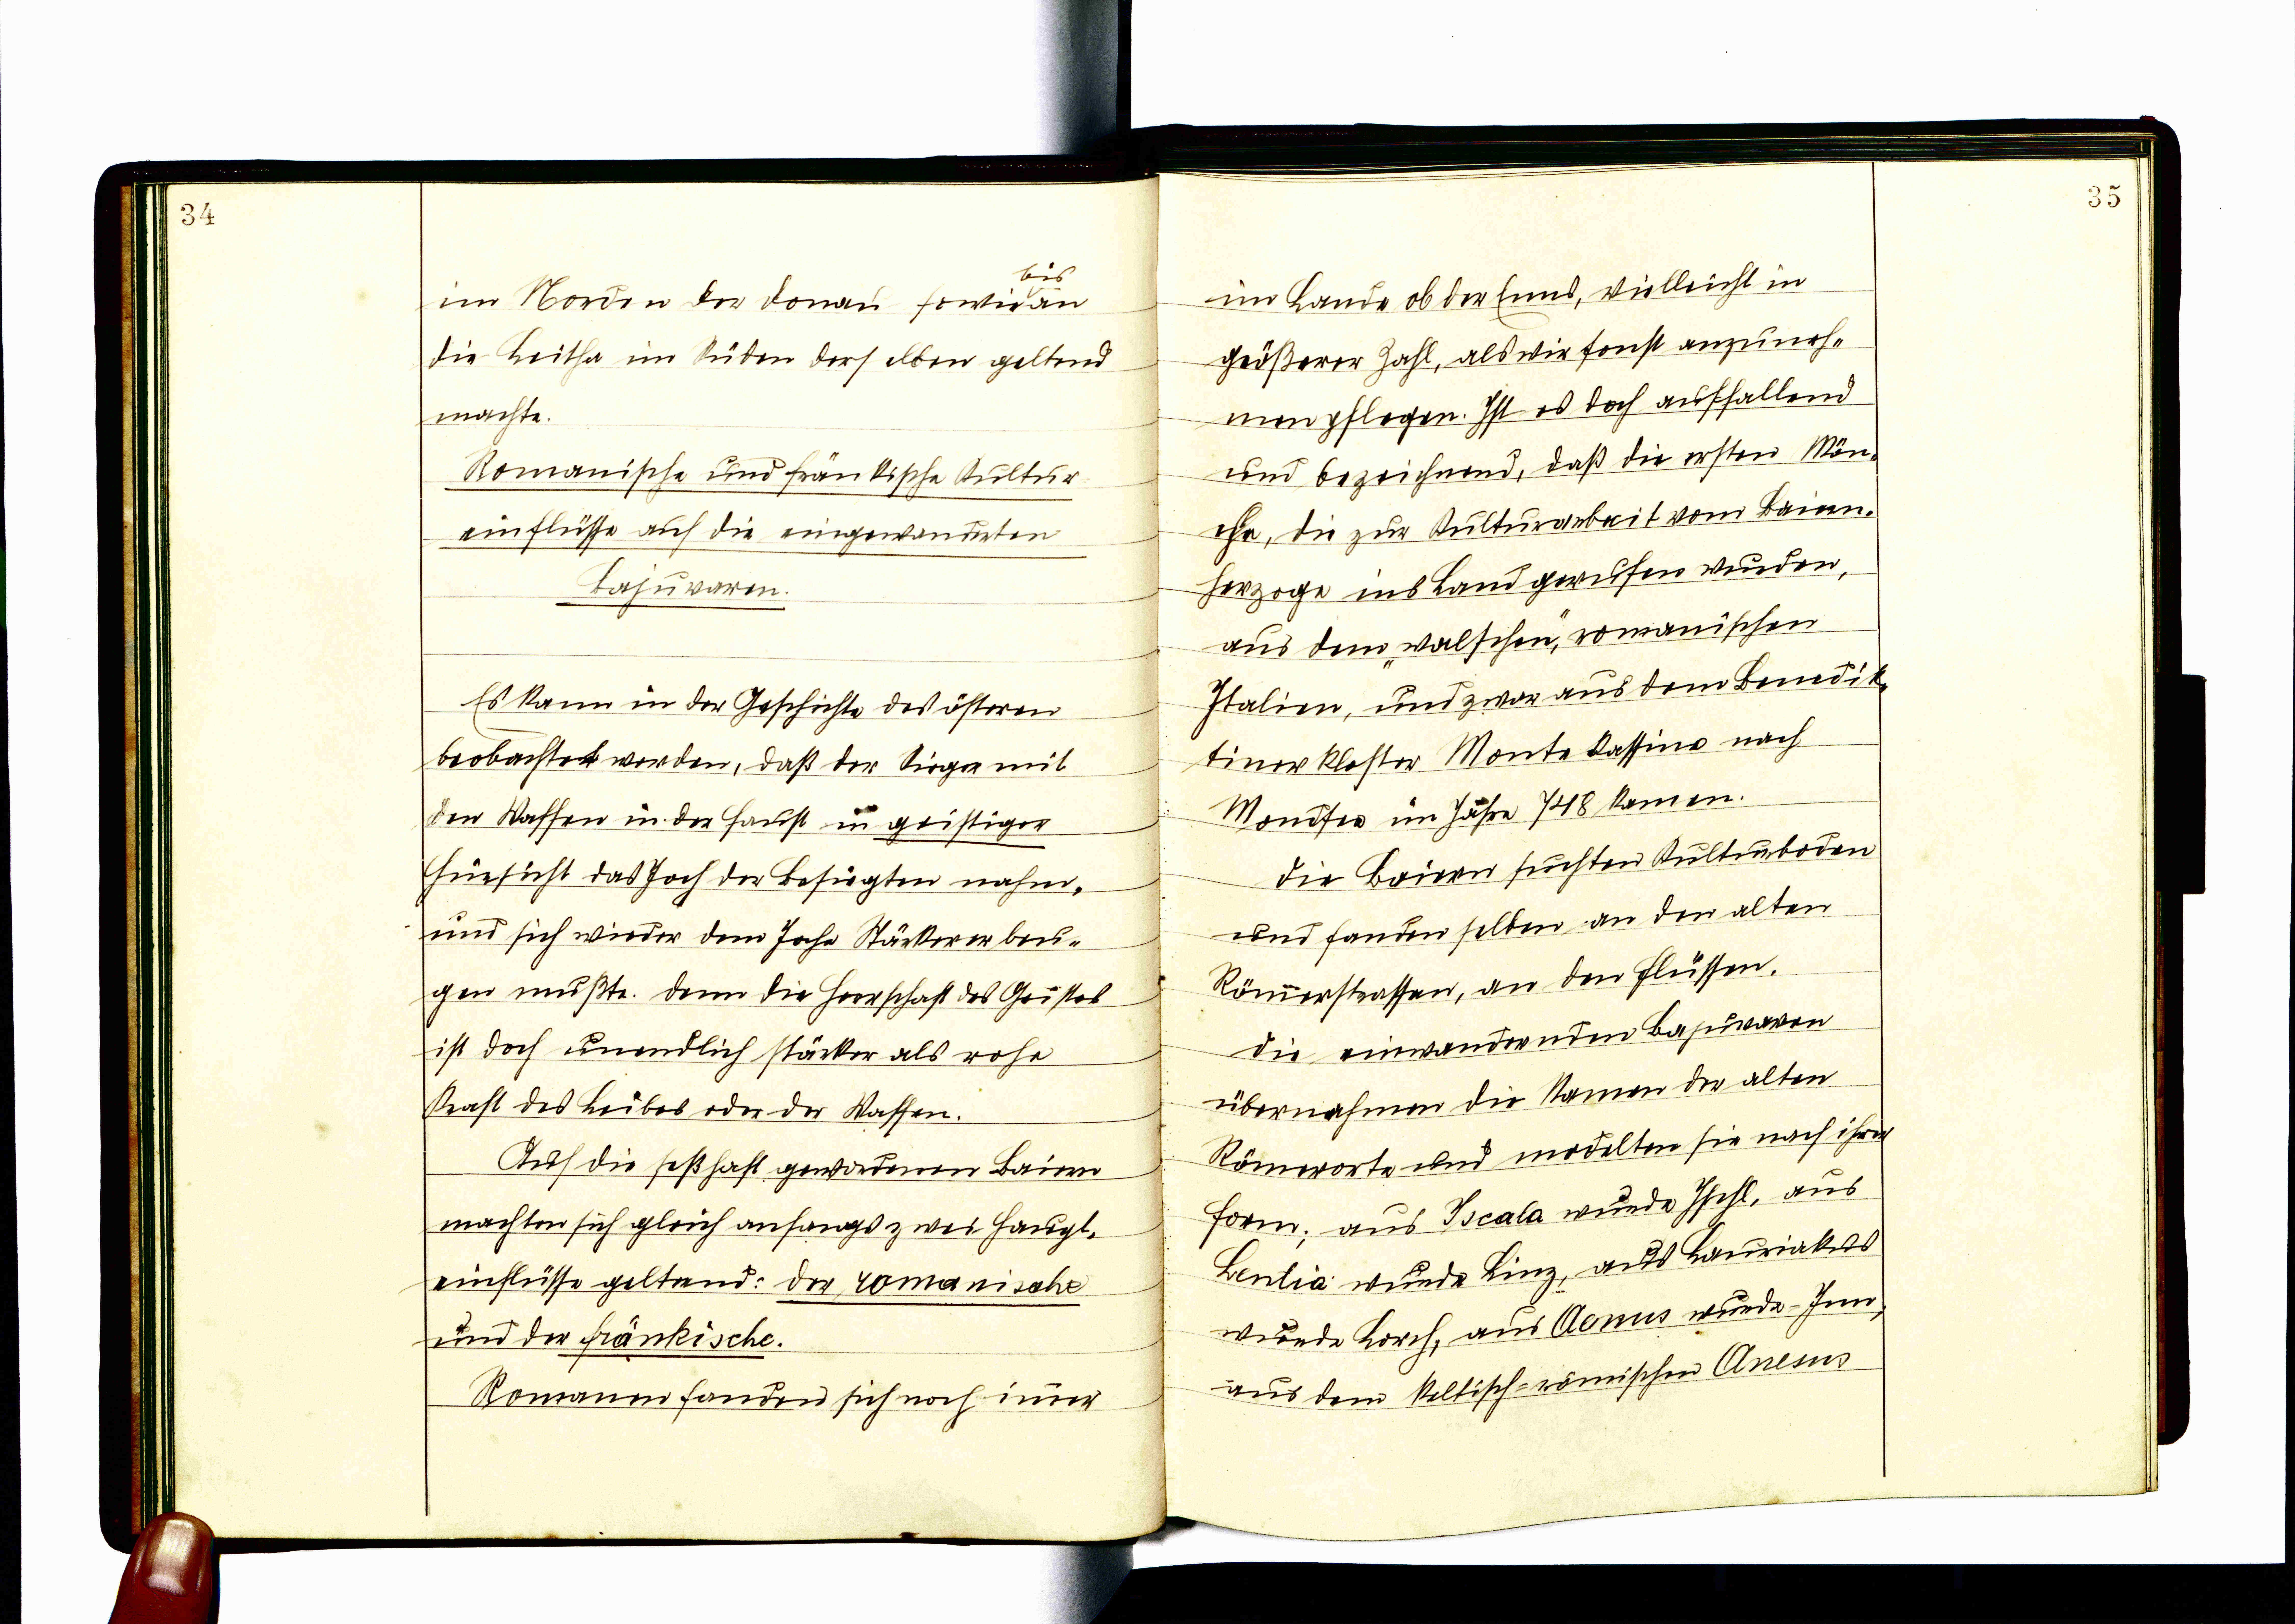bis
im Norden der Donau sowie an
die Leitha im Süden derselben geltend
machte.
Romanische und fränkische Kultur-
einflüsse auf die eingewanderten
Bajuwaren.
Es kam in der Geschichte des öfteren
beobachtet werden, daß der Sieger mit
den Waffen in der Faust in geistiger
Hinsicht das Joch der Besiegten nahm,
und sich wieder dem Joche Stärkerer beu-
gen mußte. Denn die Herrschaft des Geistes
ist doch unendlich stärker als rohe
Kraft des Leibes oder der Waffen.
Auf die seßhaft gewordenen Baiern
machten sich gleich anfangs zwei Haupt-
einflüsse geltend: der, romanische
und der fränkische.
Romanen fanden sich noch immer
im Lande ob der Enns, vielleicht in
größerer Zahl, als wir sonst anzuneh-
men pflegen. Ist es doch auffallend
und bezeichnend, daß die ersten Mön-
che, die zur Kulturarbeit vom Baiern
Herzoge ins Land gerufen wurden,
aus dem „walschen“, romanischen
Italien, und zwar aus dem Benedik-
tiner Kloster Monte Kassino nach
Mondsee im Jahre 748 kamen.
Die Baiern suchten Kulturboden
und fanden selben an den alten
Römerstrassen, an den Flüssen.
Die einwandernden Bajuwaren
übernahmen die Namen der alten
Römerorte und modelten sie nach ihrer
Form; aus Iscala wurde Ischl, aus
Lentia wurde Linz, aus Lauriakus
wurde Lorch, aus Aenus wurde Inn,
aus dem keltisch-römischen Anesus